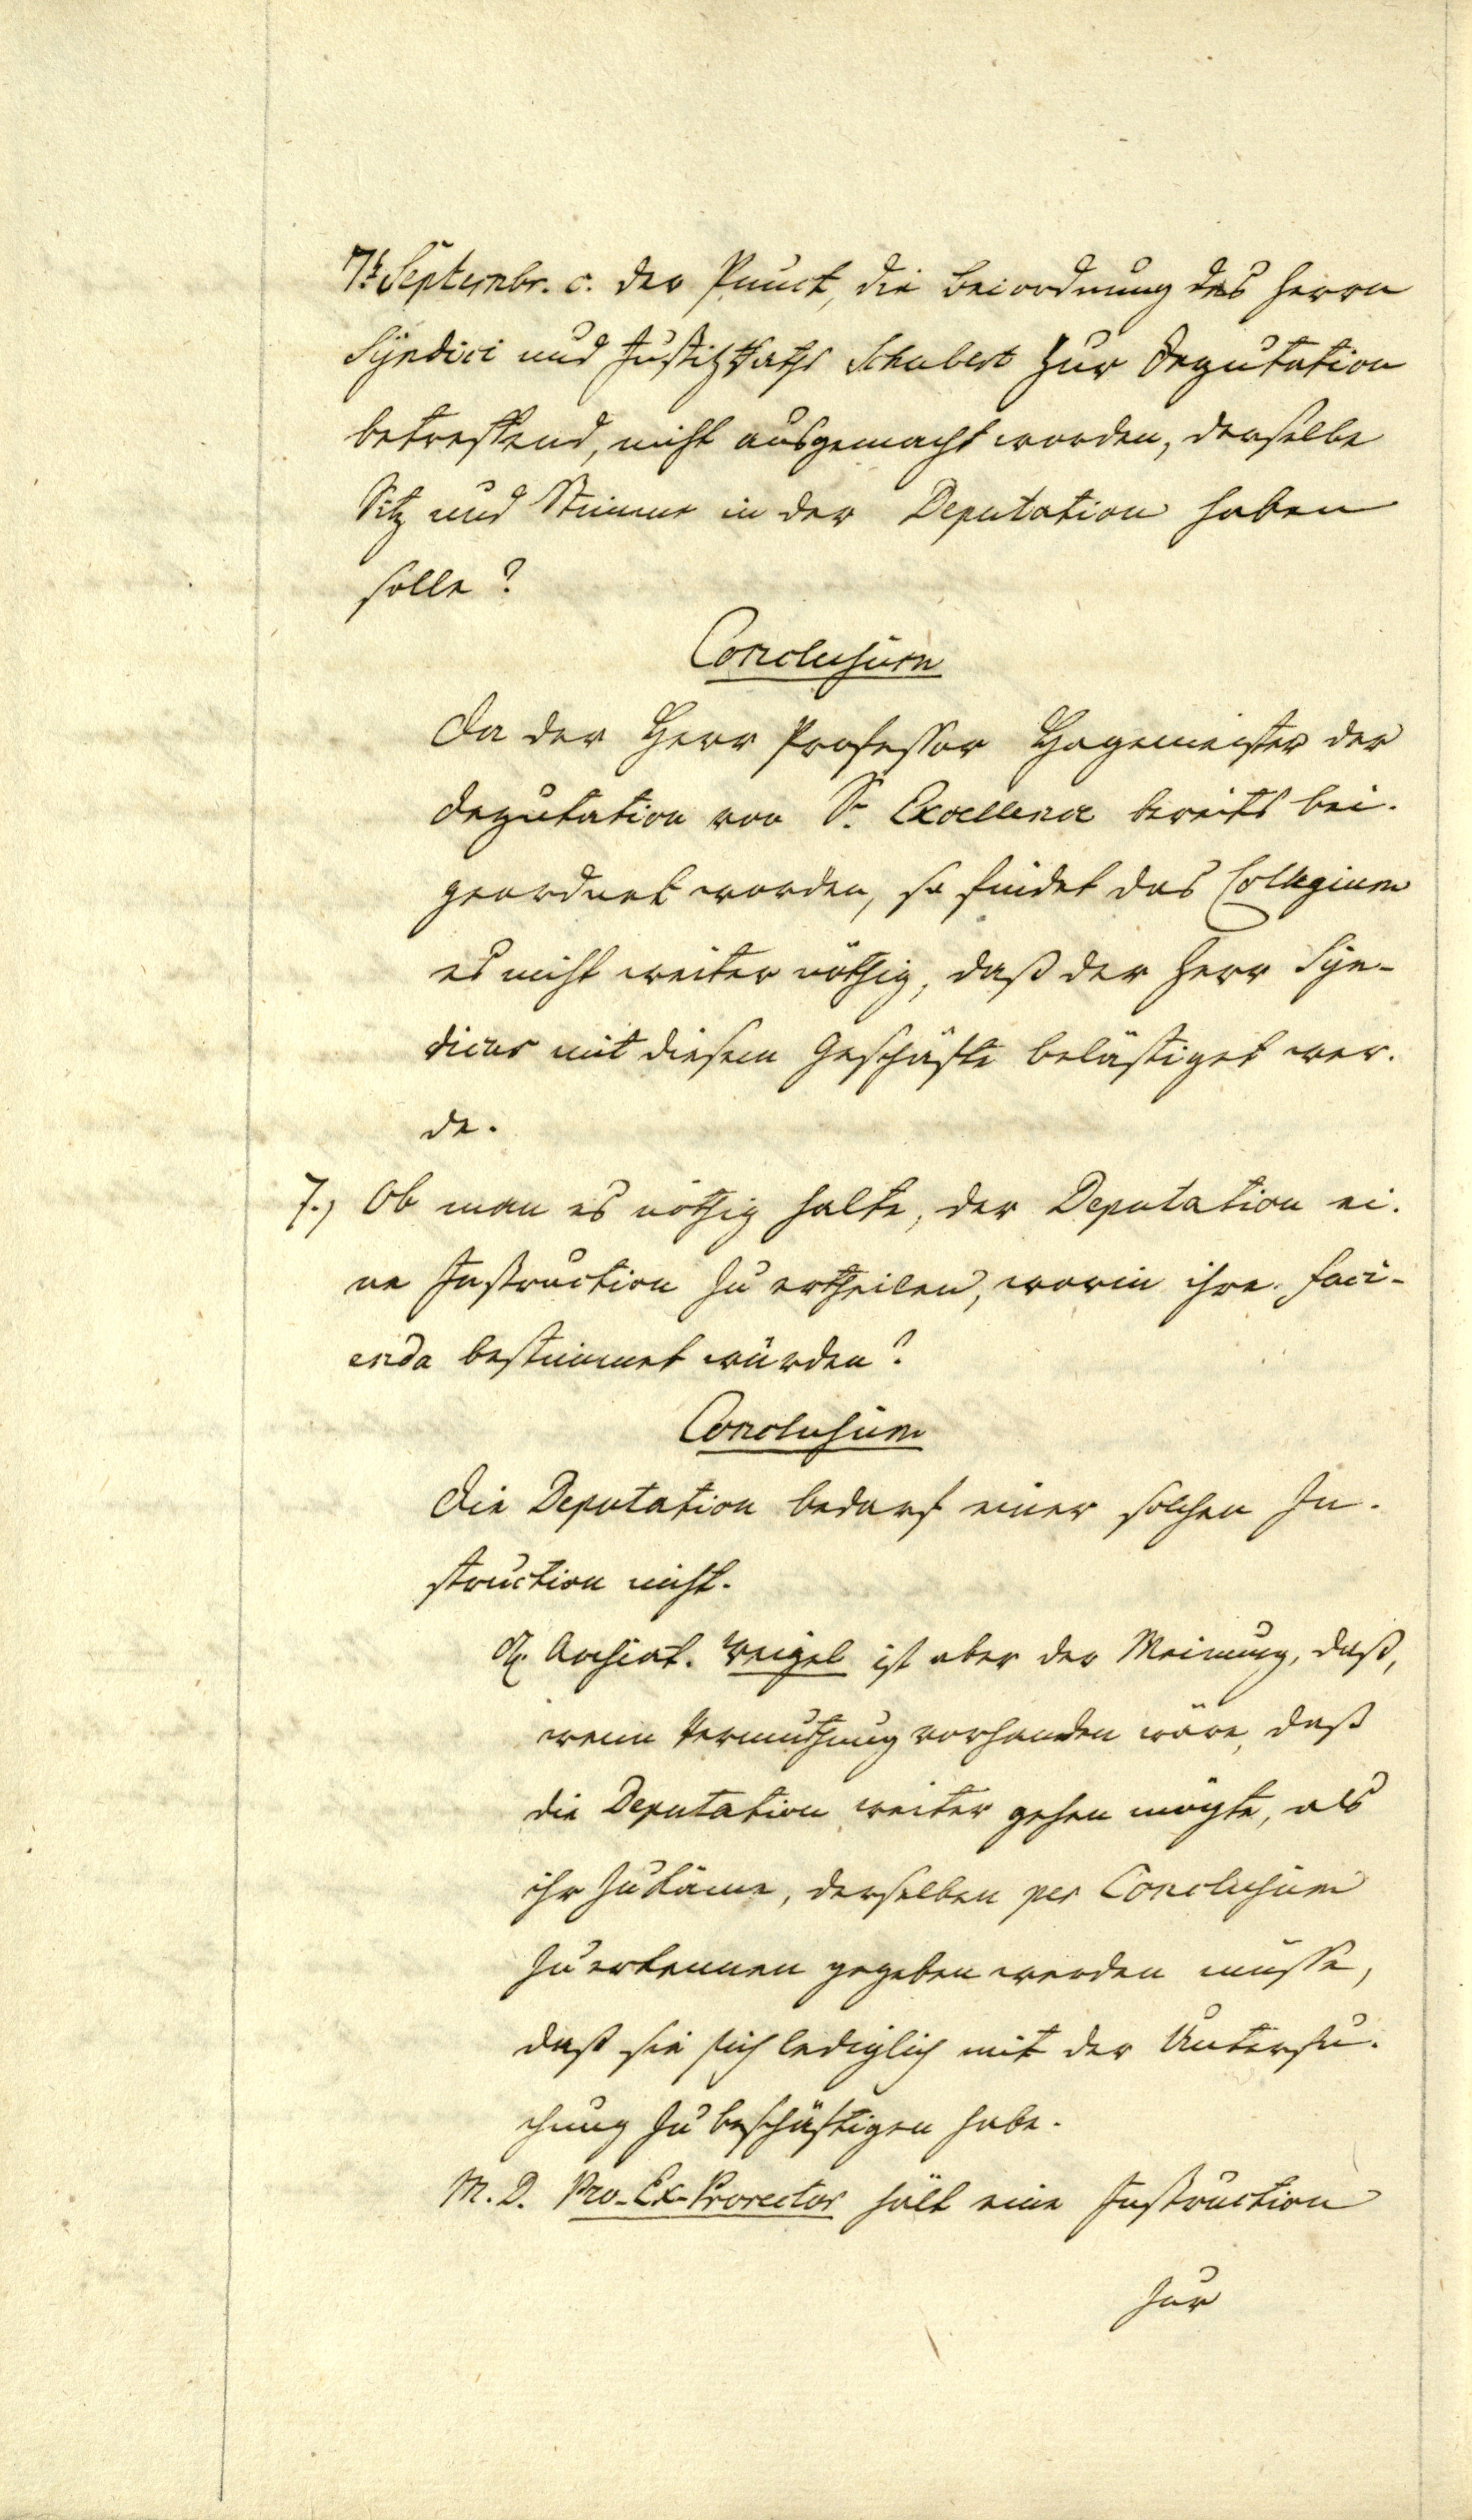7. Septembr. c. der Punct, die Beiordnung, des Herrn
Sÿndici und Justizsraths Schubert zur Deputation
betreffend, nicht ausgemacht worden, derselbe
Sitz und Stimme in der Deputation haben
solle ?
Conclusum
Da der Herr Professor Hagemeister der
Deputation von Sr. Excellence bereits bei
geordnet worden, so findet das Collegium
es nicht weiter nöthig, daß der Herr Sÿn¬
dicus mit diesem Geschäfte belästiget wer¬
de.
7., Ob man es nöthig halte, der Deputation ei¬
ne Instruction zu ertheilen, worin ihre Faci¬
enda bestimmet würden?
Conclusum
Die Deputation bedarf einer solchen In¬
struction nicht.
dh. Archiat. Weigel ist aber der Meinung, daß,
wenn Vermuthung vorhanden wäre, daß
die Deputation weiter gehen mögte, als
ihr zukäme, derselben per Conclusum
zu erkennen gegeben werden müsse,
daß sie sich lediglich mit der Untersu¬
chung zu beschäftigen habe.
M. D. Pro. ExProrector hält eine Instruction
zur